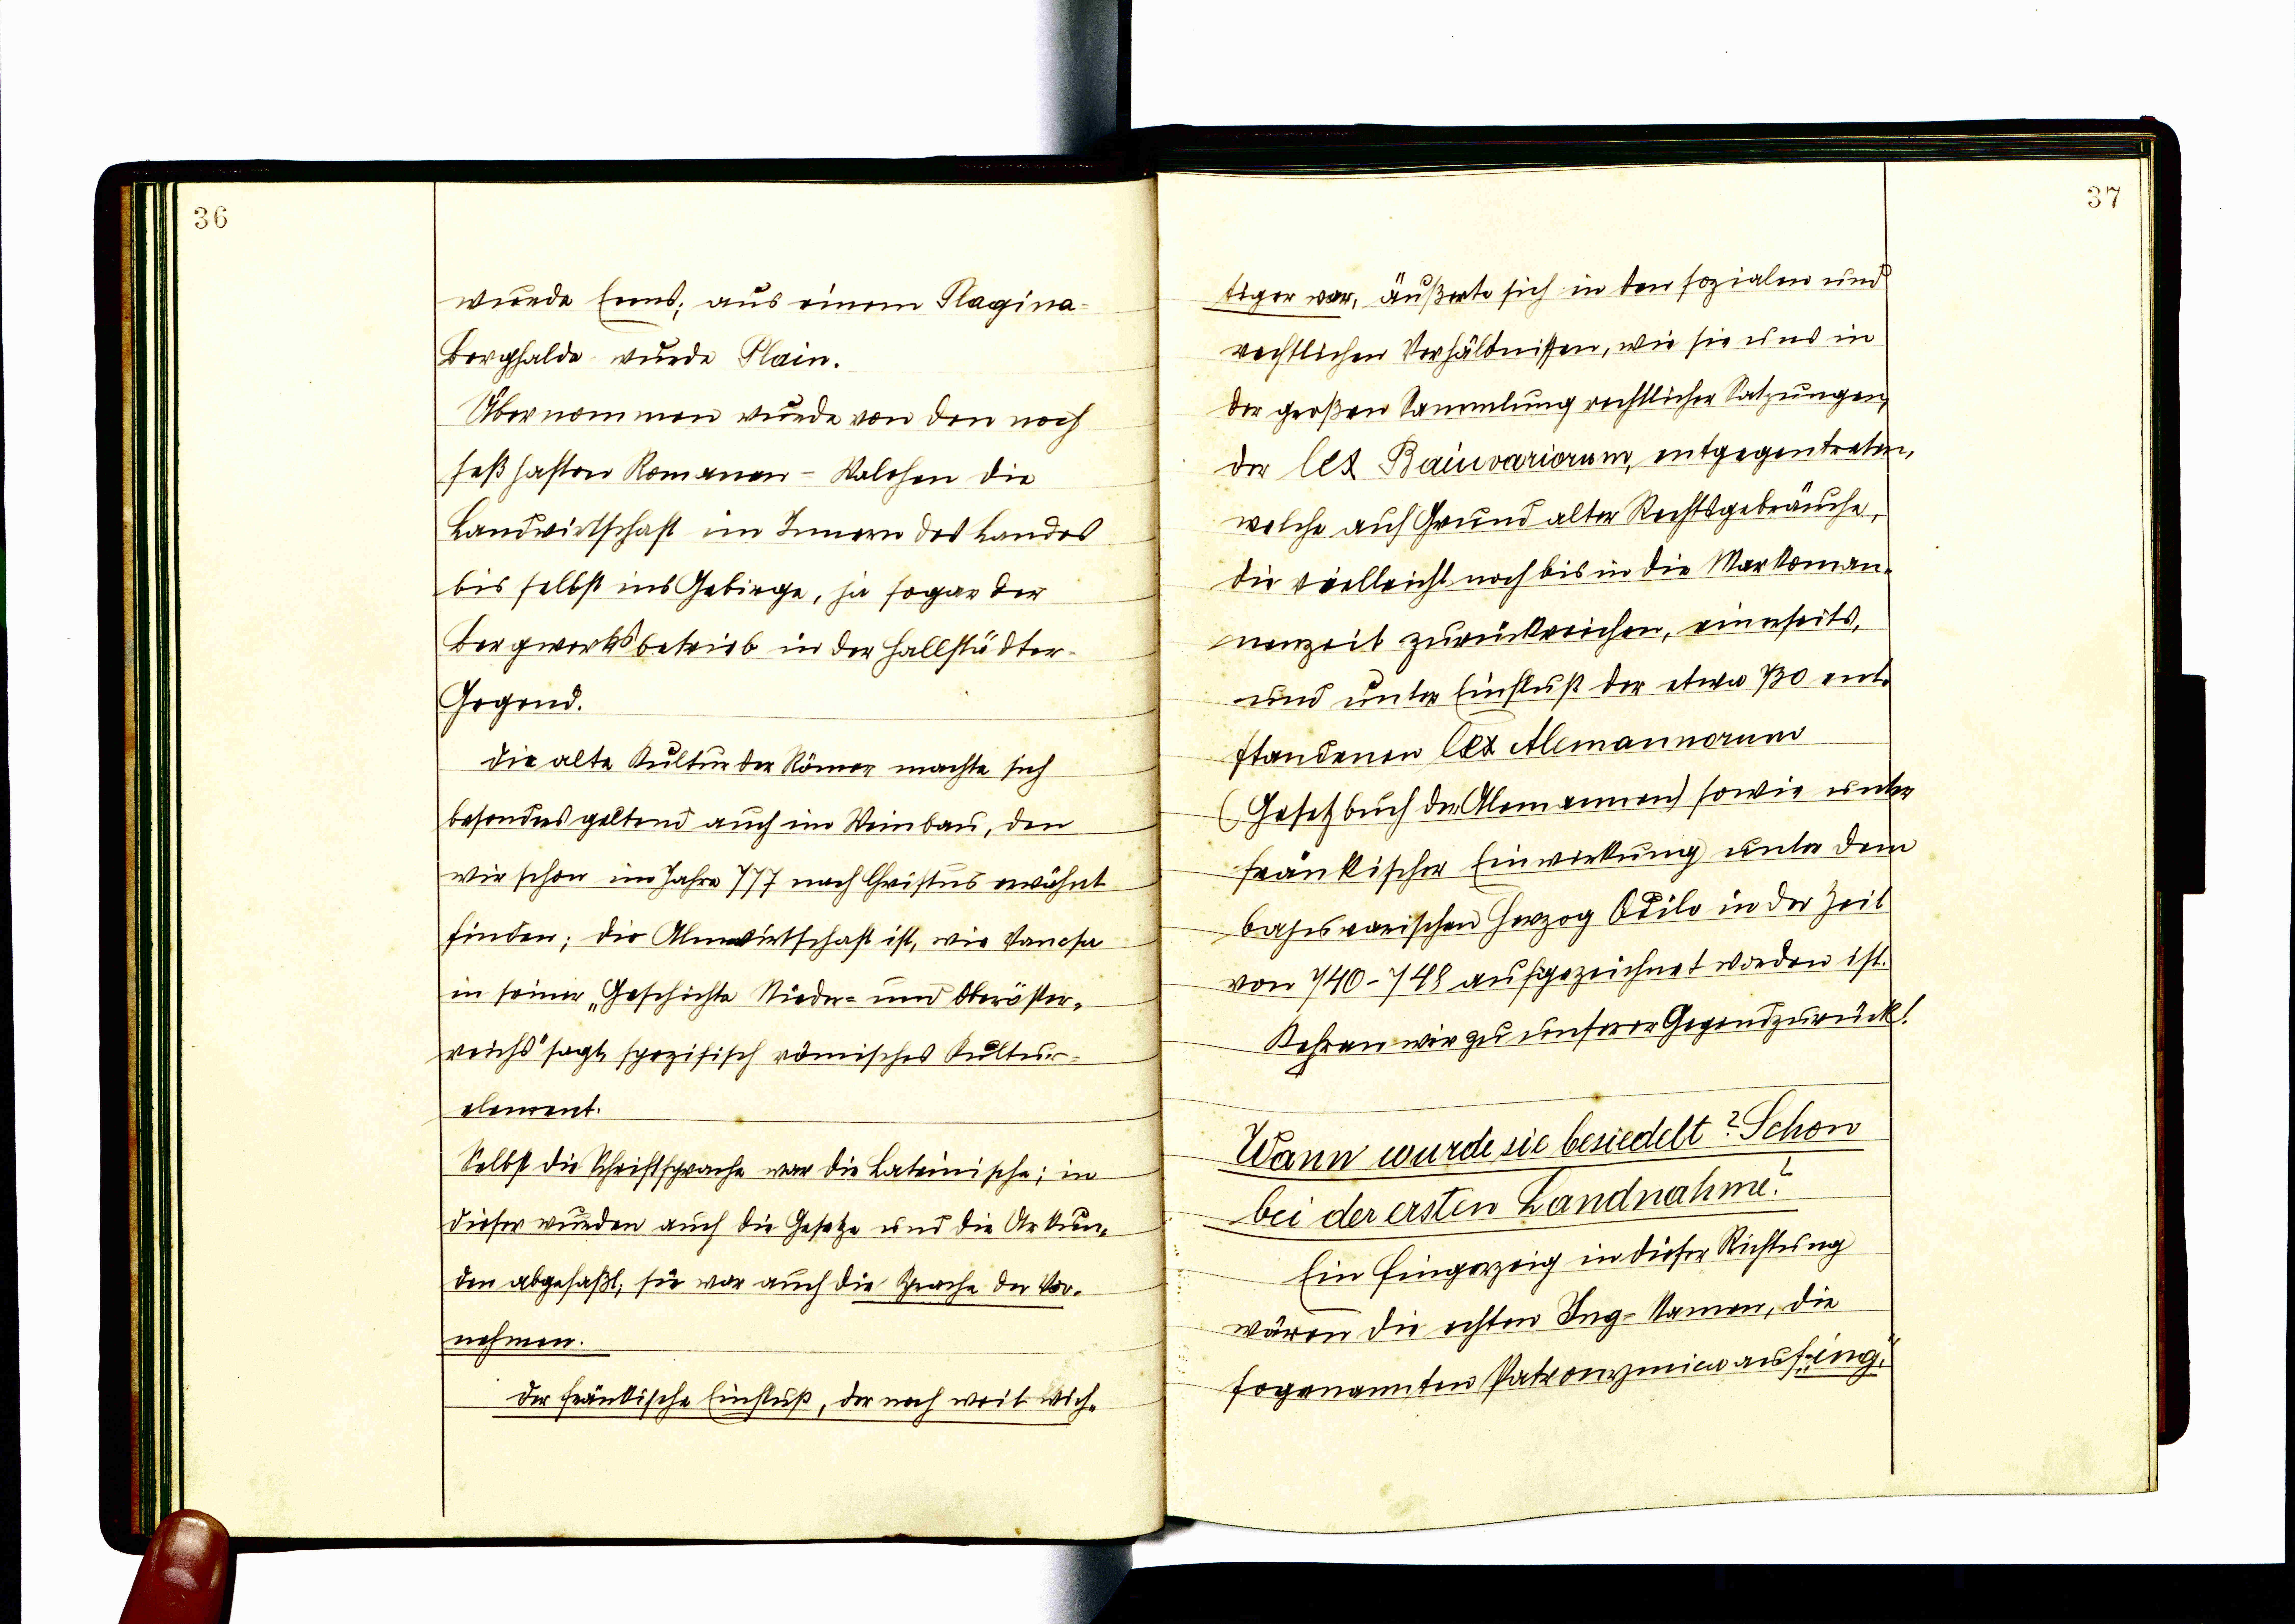wurde Enns; aus einem Plagina
Berghalde wurde Plain.
Übernommen wurde von den noch
seßhaften Romanen-Walohen die
Landwirtschaft im Innern des Landes
bis selbst ins Gebirge, ja sogar der
Bergwerksbetrieb in der Hallstädter
Gegend.
Die alte Kultur der Römer machte sich
besonders geltend auch im Weinbau, den
wir schon im Jahre 777 nach Christus erwähnt
finden; die Almwirtschaft ist, wie Vancsa
in seiner „Geschichte Nieder- und Oberöster-
reichs“ sagt, spezifisch römisches Kultur-
element.
Selbst die Schriftsprache war die Lateinische; in
dieser wurden auch die Gesetze und die Urkun-
den abgefaßt; sie war auch die Sprache der Vor-
nehmen.
Der fränkische Einfluß, der noch weit wich-
tiger war, äußerte sich in den sozialen und
rechtlichen Verhältnissen, wie sie uns in
der großen Sammlung rechtlicher Satzungen,
der Lex Baiuvariorum, entgegentraten,
welche auf Grund alter Rechtsgebräuche,
die vielleicht noch bis in die Markoman-
enzeit zurückreichen, einerseits,
und unter Einfluß der etwa 730 ent-
standenen Lex Alemannorum
(Gesetzbuch der Alemannen) sowie unter
fränkischer Einwirkung unter dem
bajuwarischen Herzog Odilo in der Zeit
von 740 – 748 aufgezeichnet worden ist.
Kehren wir zu unserer Gegend zurück.
Wann Wurde sie besiedelt? Schon
?
bei der ersten Landnahme
Ein Fingerzeig in dieser Richtung
wären die echten Ing-Namen, die
sogenannten Patronymica auf „ing“,